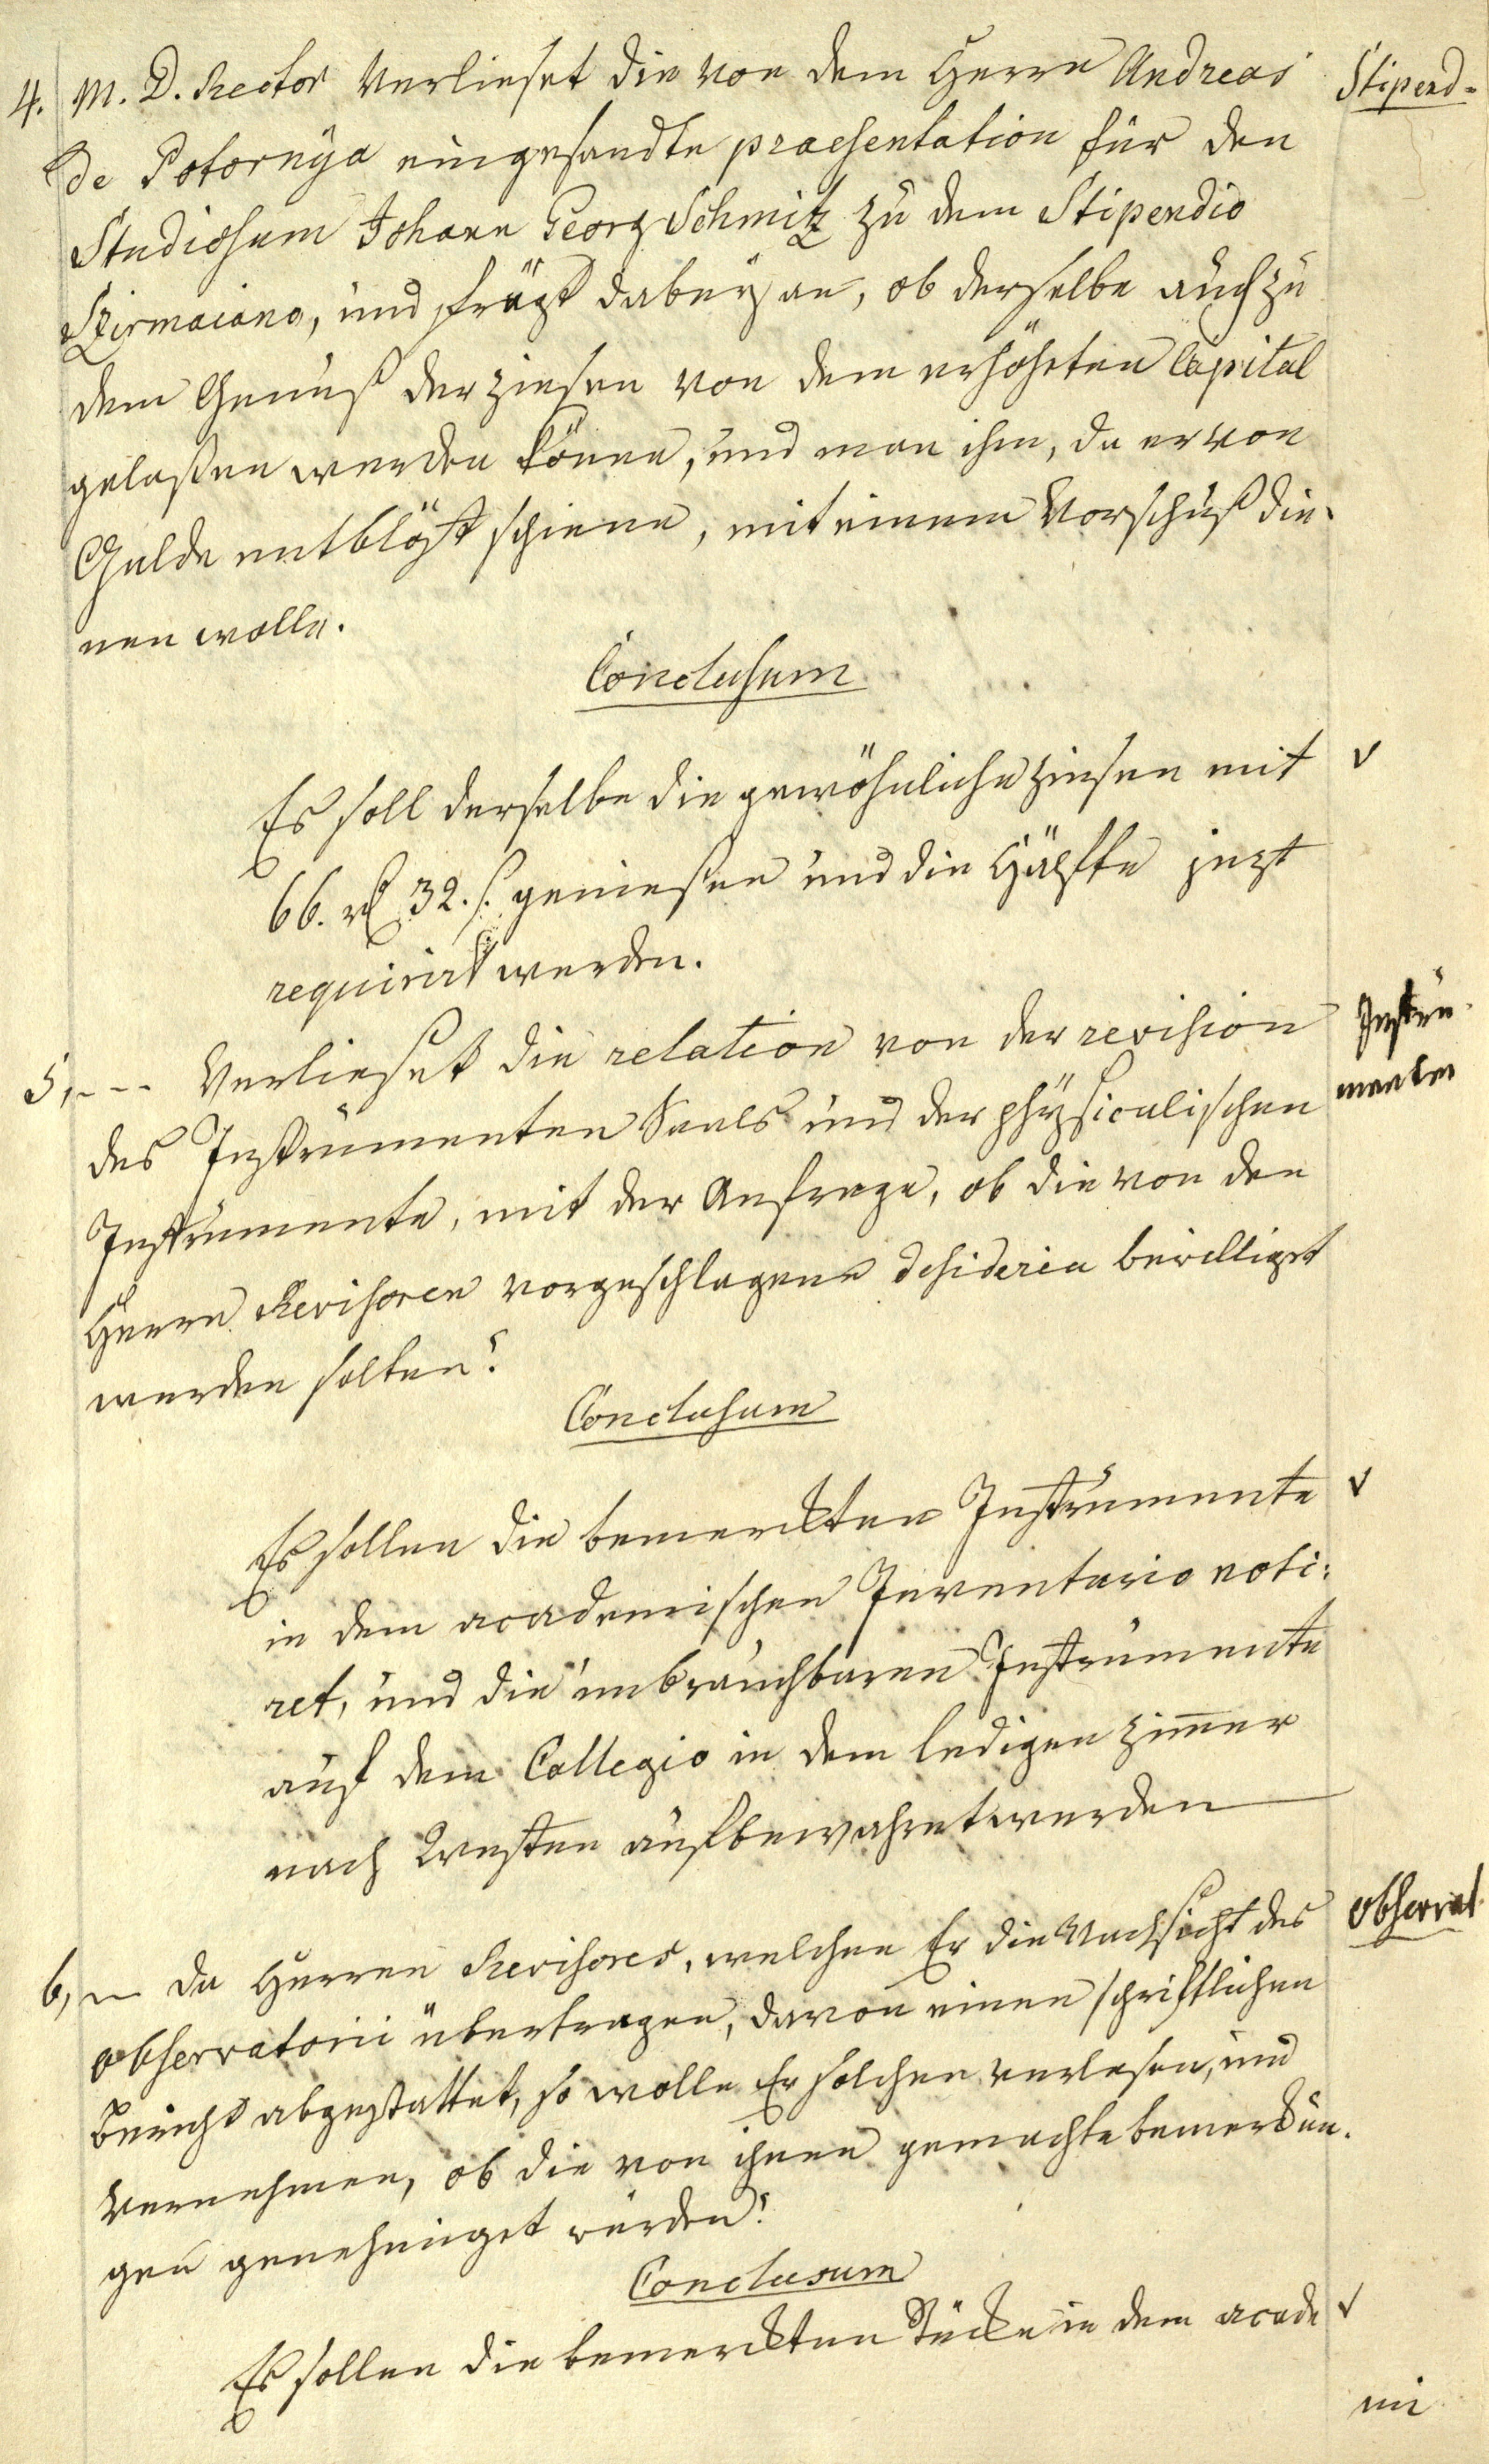4. M. D. Rector verlieset die von dem Herrn Andreas
e Potornÿa eingesandte praesentation für den
Studiosum Johann Georg Schmitz zu dem Stipendio
Szirmaiano, und frägt dabeÿ an, ob derselbe auch zu
dem Genuß der Zinsen von dem erhöheten Capital
gelaßen werden könne, und man ihm, da er von
Gelde entblöst schiene, mit einem Vorschuß die¬
nen wolle.
Conclusum
Es soll derselbe die gewöhnliche Zinsen mit
66. rl. 32. s. genießen und die Hälfte jezt
requirirt werden.
5, Verlieset die relation von der revision
des Instrumenten Saals und der phÿsicalischen
Instrumente, mit der Anfrage, ob die von den
Herrn Revisoren vorgeschlagene desideria bewilliget
werden solten?
Conclusum
Es sollen die bemerckten Instrumente
in dem academischen Inventario noti¬
ret, und die unbrauchbaren Instrumente
auf dem Collegio in dem ledigen Zimer
nach Westen aufbewahret werden.
6, Da Herren Revisores, welchen Er die Nachsicht des
Observatorii übertragen, davon einen schriftlichen
Bericht abgestattet, so wolle Er solchen verlesen, und
vernehmen, ob die von ihnen gemachte Bemerkun¬
gen genehmiget würden?
Conclusum
Es sollen die bemerckten Stücke in dem Acade
mi